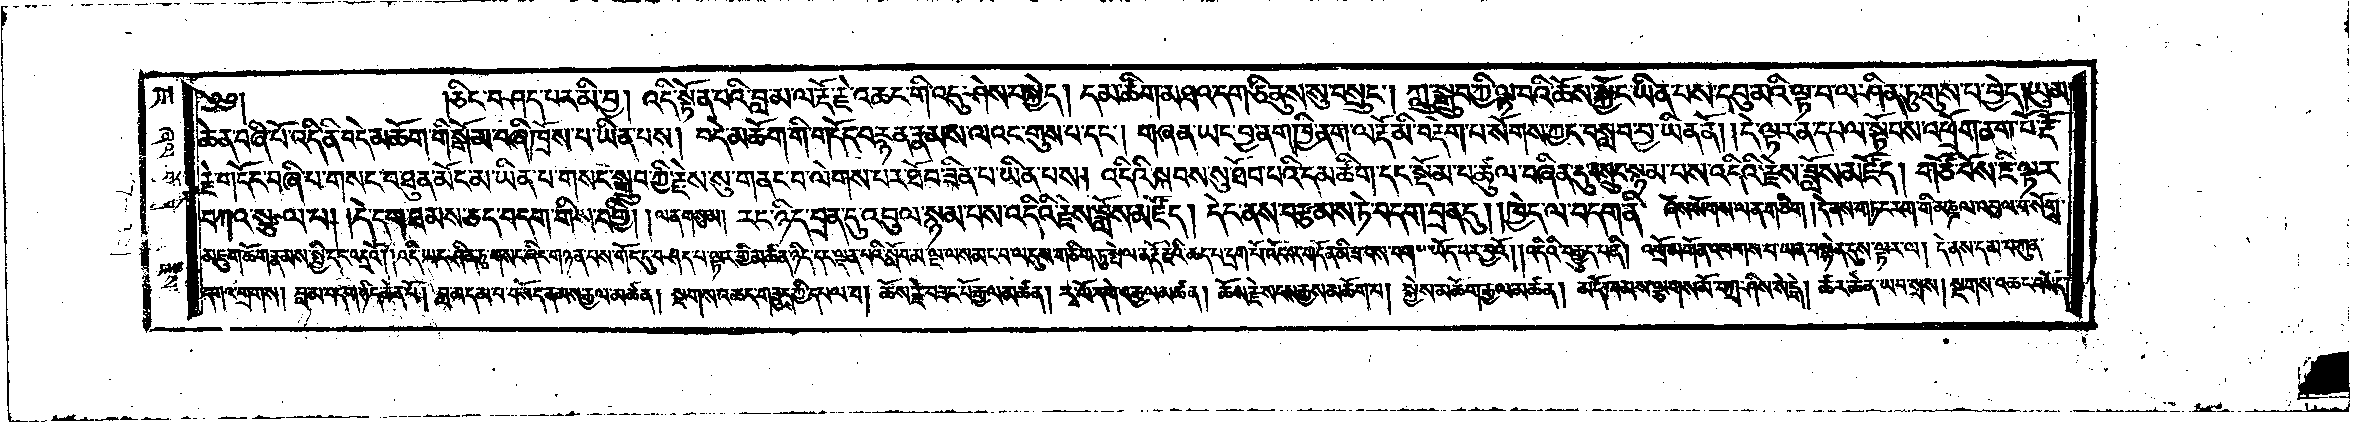༄༅། །ཅིང་བཤད་པར་མི་བྱ། འདི་སྟོན་པའི་བླ་མ་ལ་རྡོ་རྗེ་འཆང་གི་འདུ་ཤེས་བསྐྱེད། དམ་ཚིག་མཐའ་དག་ཅི་ནུས་སུ་བསྲུང་། ཀླུ་སྒྲུབ་ཀྱི་ལྟ་བའི་ཆོས་སྐྱོང་ཡིན་པས་དབུ་མའི་ལྟ་བ་ལ་ཤིན་ཏུ་གུས་པ་བྱེད། ཡུམ་
ཆེན་བཞི་པོ་འདི་ནི་བདེ་མཆོག་གི་སྒོམ་བཞི་ཁྲོས་པ་ཡིན་པས། བདེ་མཆོག་གི་གདོང་བརྙན་རྣམས་ལའང་གུས་པ་དང་། གཞན་ཡང་བྱ་ནག་ཁྱི་ནག་ལ་རྡོ་མི་བརྡེག་པ་སོགས་ཀྱང་བསླབ་བྱ་ཡིན་ནོ། །དེ་ལྟར་ན་དཔལ་སྟོབས་འཕྲོག་ནག་པོ་རྡོ་
རྗེ་གདོང་བཞི་པ་གསང་བ་ཐུན་མོང་མ་ཡིན་པ་གསང་སྒྲུབ་ཀྱི་རྗེས་སུ་གནང་བ་ལེགས་པར་ཐོབ་ཟིན་པ་ཡིན་པས། འདིའི་སྐབས་སུ་ཐོབ་པའི་དམ་ཚིག་དང་སྡོམ་པ་ཚུལ་བཞིན་དུ་བསྲུང་སྙམ་པས་འདིའི་རྗེས་ཟློས་མཛོད། གཙོ་བོས་ཇི་ལྟར་
བཀའ་སྩལ་པ། །དེ་དག་ཐམས་ཅད་བདག་གིས་བགྱི། །ལན་གསུམ།  རང་ཉིད་བྲན་དུ་འབུལ་སྙམ་པས་འདིའི་རྗེས་ཟློས་མཛོད། དེང་ནས་བརྩམས་ཏེ་བདག་བྲན་དུ། །ཁྱེད་ལ་བདག་ནི་ཞེས་སོགས་ལན་གཅིག །དེ་ནས་གཏང་རག་གི་མཎྜལ་འབུལ་བ་སོགས་
མཇུག་ཆོག་རྣམས་སྤྱི་དང་འདྲའོ། །འདི་ཡང་ཤིན་ཏུ་གསང་ཞིང་གཉན་པས་གོང་དུ་བཤད་པ་ལྟར་གྱི་མཚན་ཉིད་དང་ལྡན་པའི་སློབ་མ་ལྔ་ལས་མང་བ་ལ་དུས་གཅིག་ཏུ་སྤེལ་ན་རྡོ་རྗེའི་ཆད་པ་དྲག་པོ་འོང་བར་གདོན་མི་ཟ་བས་བག་ཡོད་པར་བྱའོ། །འདིའི་བརྒྱུད་པ་ནི། འགྲོ་མགོན་འཕགས་པ་ཡན་བསྙེན་དུས་ལྟར་ལ། དེ་ནས་དམ་པ་ཀུན་
དགའ་གྲགས། བླ་མ་བདག་ཉིད་ཆེན་པོ། བླ་མ་དམ་པ་བསོད་ནམས་རྒྱལ་མཚན། སྔགས་འཆང་གཟུངས་ཀྱི་དཔལ་བ། ཆོས་རྗེ་བཟང་པོ་རྒྱལ་མཚན། རྭ་ལོ་དགེ་བ་རྒྱལ་མཚན། ཆོས་རྗེ་སངས་རྒྱས་མཆོག་པ། སྐྱེས་མཆོག་རྒྱལ་མཚན། མདོ་ཁམས་ལྕགས་མོ་བཀྲ་ཤིས་སེངྒེ། ཚར་ཆེན་ཡབ་སྲས། སྔགས་འཆང་བསོད་